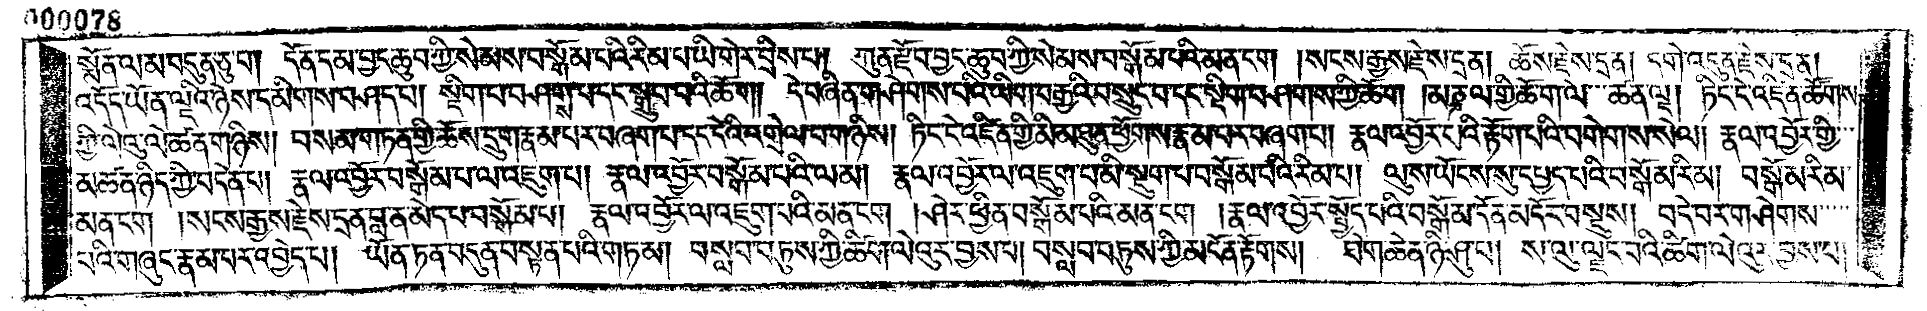སྨོན་ལམ་བདུན་ཅུ་པ། དོན་དམ་བྱང་ཆུབ་ཀྱི་སེམས་བསྒོམ་པའི་རིམ་པ་ཡི་གེར་བྲིས་པ། ཀུན་རྫོབ་བྱང་ཆུབ་ཀྱི་སེམས་བསྒོམ་པའི་མན་ངག །སངས་རྒྱས་རྗེས་དྲན། ཆོས་རྗེས་དྲན། དགེ་འདུན་རྗེས་དྲན།
འདོད་ཡོན་ལྔའི་ཉེས་དམིགས་བཤད་པ། སྡིག་པ་བཤགས་པ་དང་སྒྲུབ་པའི་ཆོ་ག། དེ་བཞིན་གཤེགས་པའི་ཡིག་བརྒྱའི་བསྲུང་བ་དང་སྡིག་བཤགས་ཀྱི་ཆོ་ག །མཎྜལ་གྱི་ཆོ་ག་ལེ་ཚན་ལྔ། ཏིང་ངེ་འཛིན་ཚོགས་
ཀྱི་ལེའུ་ལེ་ཚན་གཉིས། བསམ་གཏན་གྱི་ཆོས་དྲུག་རྣམ་པར་བཞག་པ་དང་དེའི་འགྲེལ་བ་གཉིས། ཏིང་ངེ་འཛིན་གྱི་མི་མཐུན་ཕྱོགས་རྣམ་པར་བཞག་པ། རྣལ་འབྱོར་པའི་རྟོག་པའི་བགེགས་སེལ། རྣལ་འབྱོར་གྱི་
མཚན་ཉིད་ཀྱི་བདེན་པ། རྣལ་འབྱོར་བསྒོམ་པ་ལ་འཇུག་པ། རྣལ་འབྱོར་བསྒོམ་པའི་ལམ། རྣལ་འབྱོར་ལ་འཇུག་པ་མི་སྡུག་པ་བསྒོམ་པའི་རིམ་པ། ལུས་ཡོངས་སུ་དཔྱད་པའི་བསྒོམ་རིམ། བསྒོམ་རིམ་
མན་ངག །སངས་རྒྱས་རྗེས་དྲན་བླ་ན་མེད་པ་བསྒོམ་པ། རྣལ་འབྱོར་ལ་འཇུག་པའི་མན་ངག །ཤེར་ཕྱིན་བསྒོམ་པའི་མན་ངག །རྣལ་འབྱོར་སྤྱོད་པའི་བསྒོམ་དོན་མདོར་བསྡུས། བདེ་བར་གཤེགས་
པའི་གཞུང་རྣམ་པར་འབྱེད་པ། ཡོན་ཏན་བདུན་བསྟན་པའི་གཏམ། བསླབ་བཏུས་ཀྱི་ཚིག་ལེའུར་བྱས་པ། བསླབ་བཏུས་ཀྱི་མངོན་རྟོགས། ཐེག་ཆེན་ཉི་ཤུ་བ། ས་ལུ་ལྗང་བའི་ཚིག་ལེའུར་བྱས་པ།